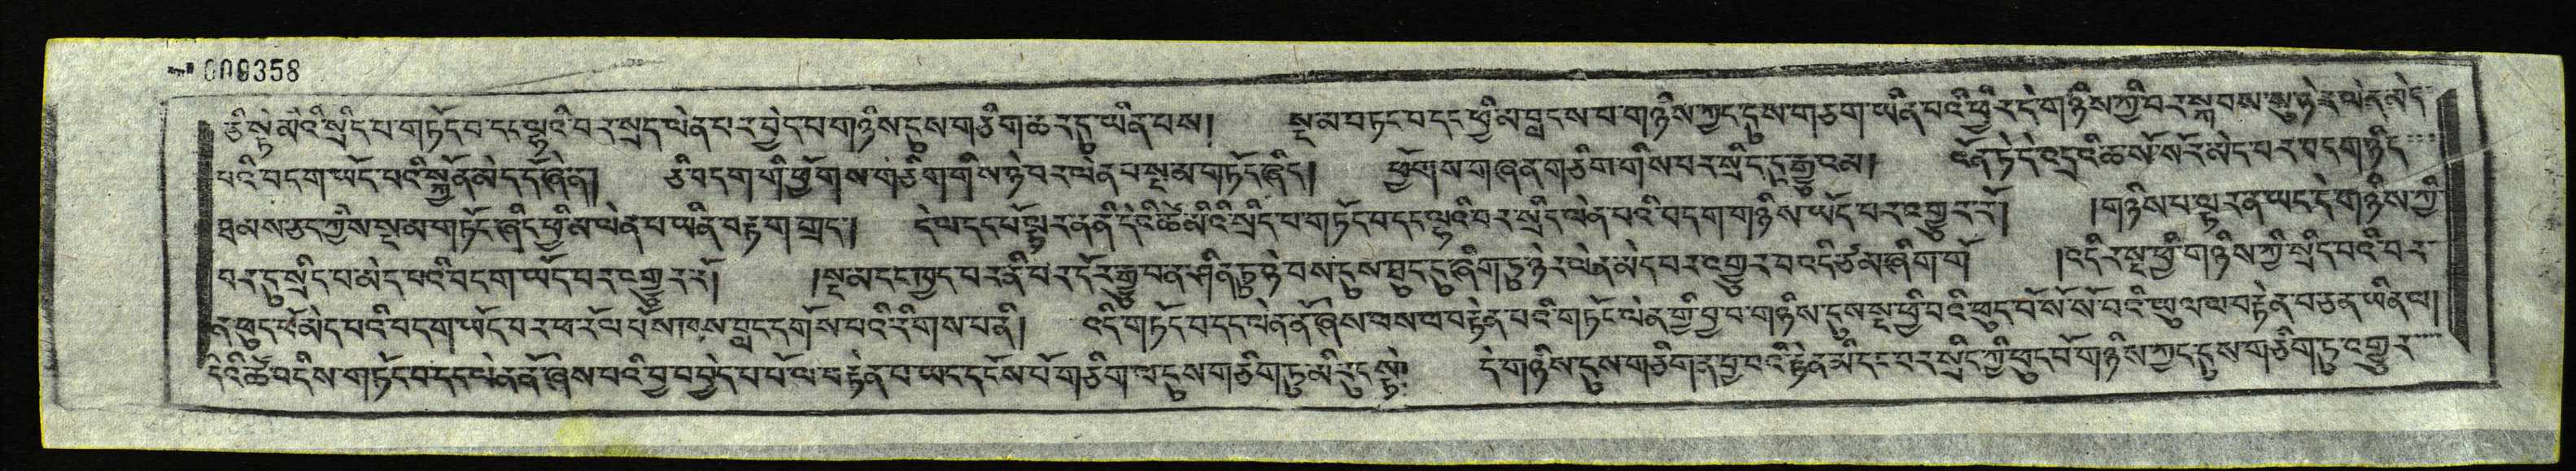ཅི་སྟེ་མིའི་སྲིད་པ་གཏོང་བ་དང་ལྷའི་བར་སྲད་ལེན་པར་བྱེད་པ་གཉིས་དུས་གཅིག་ཆར་དུ་ཡིན་པས། སྔ་མ་བཏང་བ་དང་ཕྱི་མ་བླངས་པ་གཉིས་ཀྱང་དུས་གཅིག་ཡིན་པའི་ཕྱིར་དེ་གཉིས་ཀྱི་བར་སྐབས་སུ་ཉེར་ལེན་མེད་
པའི་བདག་ཡོད་པའི་སྐྱོན་མེད་དོ་ཞེ་ན། ཅི་བདག་གི་ཕྱོགས་གཅིག་གིས་ཉེ་བར་ལེན་པ་སྔ་མ་གཏོང་ཞིང་། ཕྱོགས་གཞན་གཅིག་གིས་བར་སྲིད་དུ་རྒྱུའམ། འོན་ཏེ་དེ་འདྲའི་ཆ་སོ་སོར་མེད་པར་བདག་ཉིད་
ཐམས་ཅད་ཀྱིས་སྔ་མ་གཏོང་ཞིང་ཕྱི་མ་ལེན་པ་ཡིན་བརྟག་གྲང་། དེ་ལ་དང་པོ་ལྟར་ན་ནི་དེའི་ཚེ་མིའི་སྲིད་པ་གཏོང་པ་དང་ལྷའི་བར་སྲིད་ལེན་པའི་བདག་གཉིས་ཡོད་པར་འགྱུར་རོ། །གཉིས་པ་ལྟར་ན་ཡང་དེ་གཉིས་ཀྱི་
བར་དུ་སྲིད་པ་མེད་པའི་བདག་ཡོད་པར་འགྱུར་རོ། །སྔ་མ་དང་ཁྱད་པར་ནི་བར་དོར་རྒྱུ་བ་ན་ཤིན་ཏུ་ཉེ་བས་དུས་ཐུང་ངུ་ཞིག་ཏུ་ཉེར་ལེན་མེད་པར་འགྱུར་བ་འདི་ཙམ་ཞིག་གོ །འདིར་སྔ་ཕྱི་གཉིས་ཀྱི་སྲིད་པའི་བར་
ན་ཕུང་པོ་མེད་པའི་བདག་ཡོད་པར་ཕ་རོལ་པོས་ཁས་བླང་དགོས་པའི་རིགས་པ་ནི། འདི་གཏོང་བ་དང་ལེན་ནོ་ཞེས་པས་ལ་བརྟེན་པའི་གཏོང་ལེན་གྱི་བྱ་བ་གཉིས་དུས་སྔ་ཕྱི་བའི་ཕུང་པོ་སོ་སོ་བའི་ཡུལ་ལ་བརྟེན་པ་ཅན་ཡིན་ལ།
དེའི་ཚེ་འདིས་གཏོང་བ་དང་ལེན་ནོ་ཞེས་པའི་བྱ་བ་བྱེད་པ་པོ་ལ་བརྟེན་པ་ཡང་དངོས་པོ་གཅིག་ལ་དུས་གཅིག་ཏུ་མི་རུང་སྟེ། དེ་གཉིས་དུས་གཅིག་ན་བྱ་བའི་རྟེན་མི་དང་བར་སྲིད་ཀྱི་ཕུང་པོ་གཉིས་ཀྱང་དུས་གཅིག་ཏུ་འགྱུར་